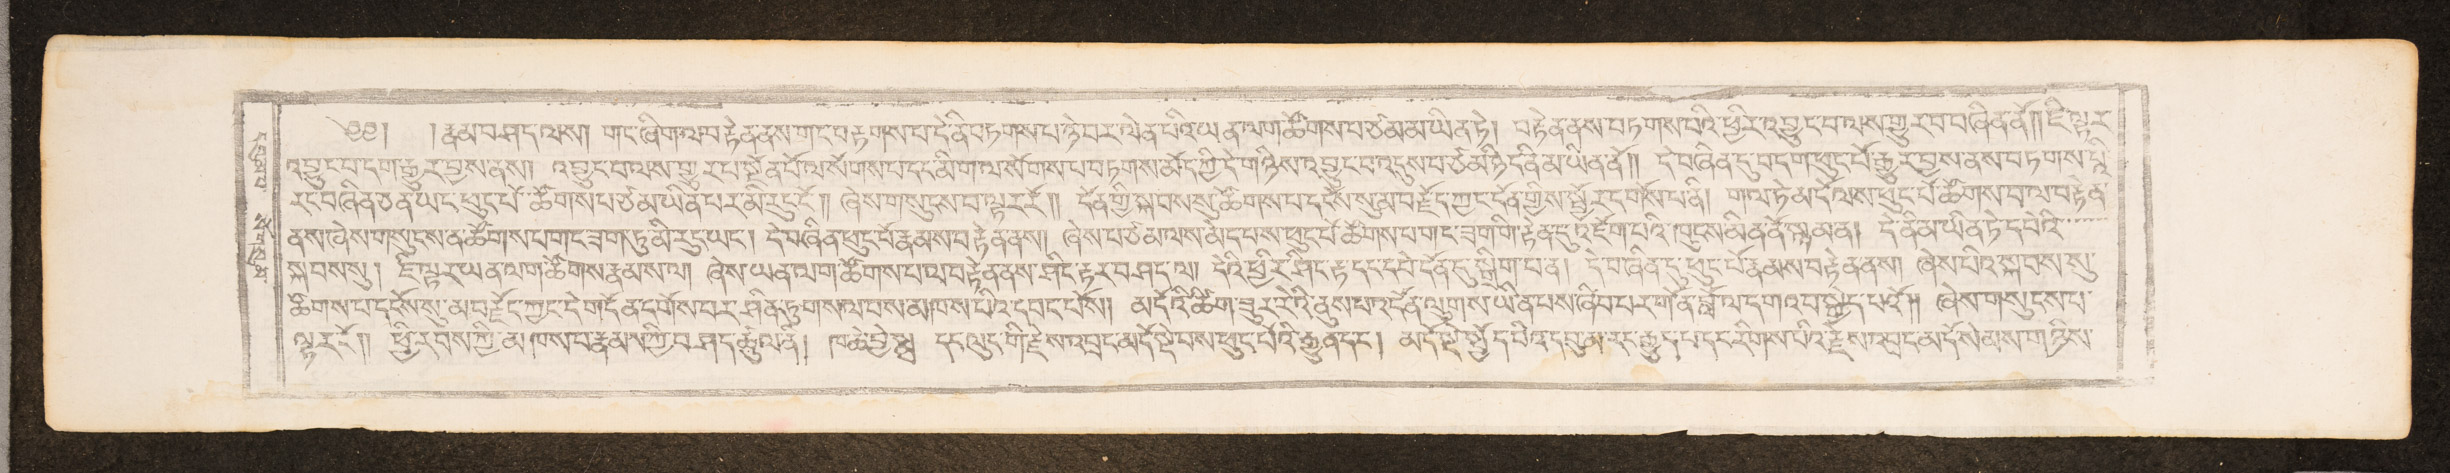༄༅། །རྣམ་བཤད་ལས། གང་ཞིག་ལ་བརྟེན་ནས་གང་བརྟགས་པ་དེ་ནི་བཏགས་པ་ཉེ་བར་ལེན་པའི་ཡན་ལག་ཚོགས་པ་ཙམ་མ་ཡིན་ཏེ། བརྟེན་ནས་བཏགས་པའི་ཕྱིར་འབྱུང་བ་ལས་གྱུར་བ་བཞིན་ནོ།། ཇི་ལྟར་
འབྱུང་བ་དག་རྒྱུར་བྱས་ནས། འབྱུང་བ་ལས་གྱུར་བ་སྔོན་པོ་ལ་སོགས་པ་དང་མིག་ལ་སོགས་པ་བཏགས་མོད་ཀྱི་དེ་གཉིས་འབྱུང་བ་འདུས་པ་ཙམ་ཉིད་ནི་མ་ཡིན་ནོ།། དེ་བཞིན་དུ་བདག་ཕུང་པོ་རྒྱུར་བྱས་ནས་བཏགས་པའི་
རང་བཞིན་ཅན་ཡང་ཕུང་པོ་ཚོགས་པ་ཙམ་ཡིན་པར་མི་རུང་ངོ།། ཞེས་གསུངས་པ་ལྟར་རོ།། དོན་གྱི་སྐབས་སུ་ཚོགས་པ་དངོས་སུ་མ་བརྗོད་ཀྱང་དོན་གྱིས་སྦྱོར་དགོས་པ་ནི། གལ་ཏེ་མདོ་ལས་ཕུང་པོ་ཚོགས་པ་ལ་བརྟེན་
ནས་ཞེས་གསུངས་ན་ཚོགས་པ་གང་ཟག་ཏུ་མི་རུང་ཡང་། དེ་བཞིན་ཕུང་པོ་རྣམས་བརྟེན་ནས། །ཞེས་པ་ཙམ་ལས་མེད་པས་ཕུང་པོ་ཚོགས་པ་གང་ཟག་གི་རྟེན་དུ་འཇོག་པའི་ཁུངས་མིན་ནོ་སྙམ་ན། དེ་ནི་མ་ཡིན་ཏེ་དཔེའི་
སྐབས་སུ། ཇི་ལྟར་ཡན་ལག་ཚོགས་རྣམས་ལ། ཞེས་ཡན་ལག་ཚོགས་པ་ལ་བརྟེན་ནས་ཤིང་རྟར་བཤད་ལ། དེའི་ཕྱིར་ཤིང་རྟ་དང་དཔེ་དོན་དུ་སྒྲིག་པ་ན། དེ་བཞིན་དུ་ཕུང་པོ་རྣམས་བརྟེན་ནས། ཞེས་པའི་སྐབས་སུ་
ཚོགས་པ་དངོས་སུ་མ་བརྗོད་ཀྱང་དེ་གདོན་དགོས་པར་ཤིང་ཏུ་གསལ་བས་མཁས་པའི་དབང་པོས། མདོའི་ཚིག་ཟུར་རེའི་ནུས་པ་འདོན་ལུགས་ཡིན་པས་ཞིབ་པར་གོ་ན་བློ་ལ་དགའ་བསྐྱེད་པའོ།། ཞེས་གསུངས་པ་
ལྟར་རོ། ཕྱི་རབས་ཀྱི་མཁས་པ་རྣམས་ཀྱི་བཤད་ཚུལ་ནི། ཁ་ཆེ་བྱེ་སྨྲ་དང་ལུང་གི་རྗེས་འབྲང་མདོ་སྡེ་པས་ཕུང་པོའི་རྒྱུན་དང་། མདོ་སྡེ་སྤྱོད་པའི་དབུ་མ་རང་རྒྱུད་པ་དང་རིགས་པའི་རྗེས་འབྲང་མདོ་སེམས་གཉིས་